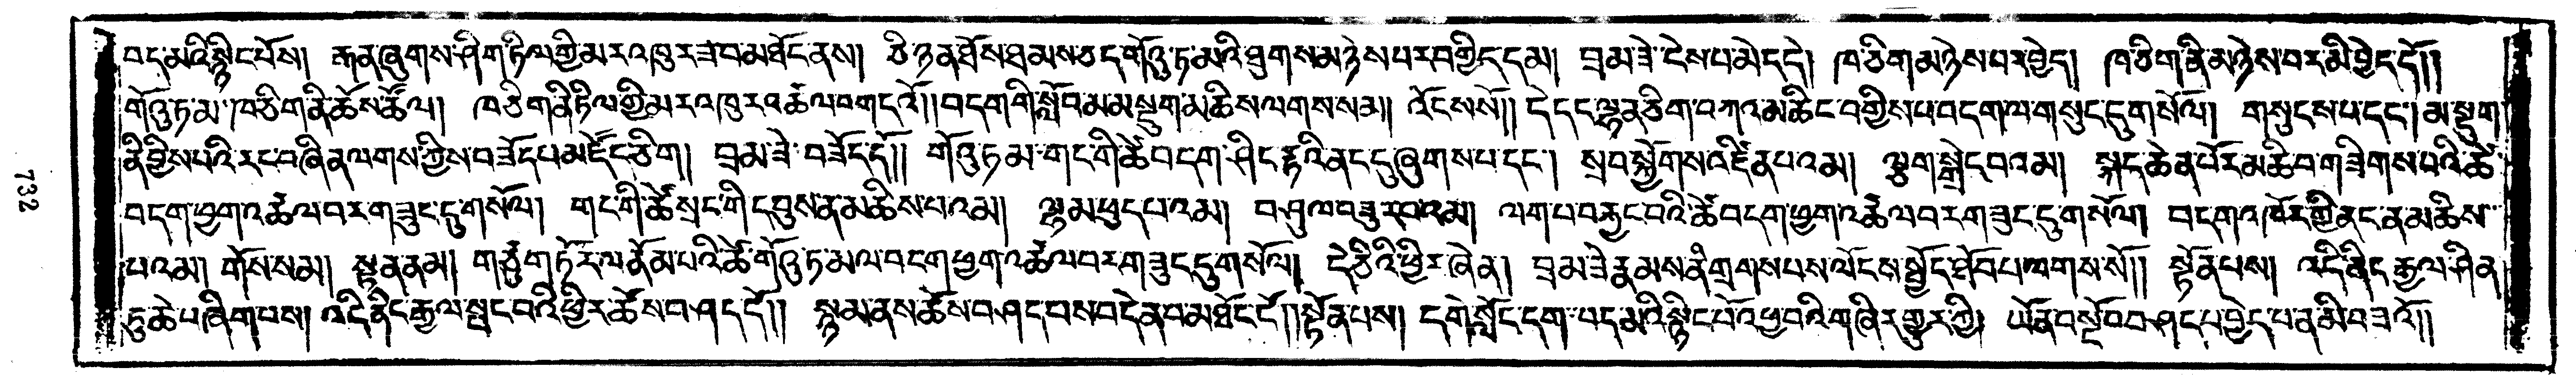བད་མའི་སྙིང་པོས། རྒན་ཞུགས་ཤིག་ཏིལ་གྱི་མར་འཁུར་ཟ་བ་མཐོང་ནས། ཅི་ཉན་ཐོས་ཐམས་ཅད་གོའུ་ཏ་མའི་ཐུགས་མཉེས་པར་བགྱིད་དམ། བྲམ་ཟེ་ངེས་པ་མེད་དེ། ཁ་ཅིག་མཉེས་པར་བྱེད། ཁ་ཅིག་ནི་མཉེས་བར་མི་བྱེད་དོ།།
གོའུ་ཏ་མ་ཁ་ཅིག་ནི་ཆོས་ཚོལ། ཁ་ཅིག་ནི་ཏིལ་གྱི་མར་འཁུར་འཚལ་བགདའོ། །བདག་གི་སློབ་མ་མྶྡུག་མཆིས་ལགས་སམ། འོངས་སོ། །དེ་དང་ལྷན་ཅིག་བཀའ་མཆིང་བགྱིས་པ་བདག་ལ་གསུང་དུ་གསོལ། གསུངས་པ་དང་། མ་སྡུག་
ནི་བྱིས་པའི་རང་བཞིན་ལགས་ཀྱིས་བཟོད་པ་མཛོད་ཅིག། བྲམ་ཟེ་བཟོད་དོ། །གོའུ་ཏ་མ་གང་གི་ཚེ་བདག་ཤིང་རྟའི་ནང་དུ་ཞུགས་པ་དང་། སྲབ་སྐྱོགས་འཛིན་པ་འམ། ལྕག་སྒྲེང་བའམ། སྐད་ཆེན་པོར་མཆི་བ་གཟིགས་པའི་ཚེ་
བདག་ཕྱག་འཚལ་བར་གཟུང་དུ་གསོལ། གང་གི་ཚེ་སྲང་གི་དབུས་ན་མཆིས་པ་འམ། ལྷམ་ཕུད་པའམ། བཤུལ་བཟུར་བའམ། ལག་པ་བརྐྱང་བའི་ཚེ་བདག་ཕྱག་འཚལ་བར་གཟུང་དུ་གསོལ། བདག་འཁོར་གྱི་ནང་ན་མཆིས་
པའམ། གོས་སམ། སྟན་ནམ། གཙུག་ཏོར་ལ་ནོམ་པའི་ཚེ་གོའུ་ཏ་མལ་བདག་ཕྱག་འཚལ་བར་གཟུང་དུ་གསོལ། དེ་ཅིའི་ཕྱིར་ཞེན། བྲམ་ཟེ་རྣམས་ནི་གྲགས་པས་ལོངས་སྦྱོད་ཐོབ་པ་ལགས་སོ། །སྟོན་པས། འདི་ནིང་རྒྱལ་ཤིན་
ཏུ་ཆེ་བཞིག་པས། འདི་ནིང་རྒྱལ་སྤང་བའི་ཕྱིར་ཆོས་བཤད་དོ། །སྙམ་ནས་ཆོས་བཤད་པས་བདེན་པ་མཐོང་ངོ། །སྟོན་པས། དགེ་སློང་དག༑ པད་མའི་སྙིང་པོ་འཕྱ་བའི་གཞིར་གྱུར་ཀྱི། ཡོན་བསྔོ་བ་བཤད་པ་བྱེད་པ་ན་མི་བཟའོ། །